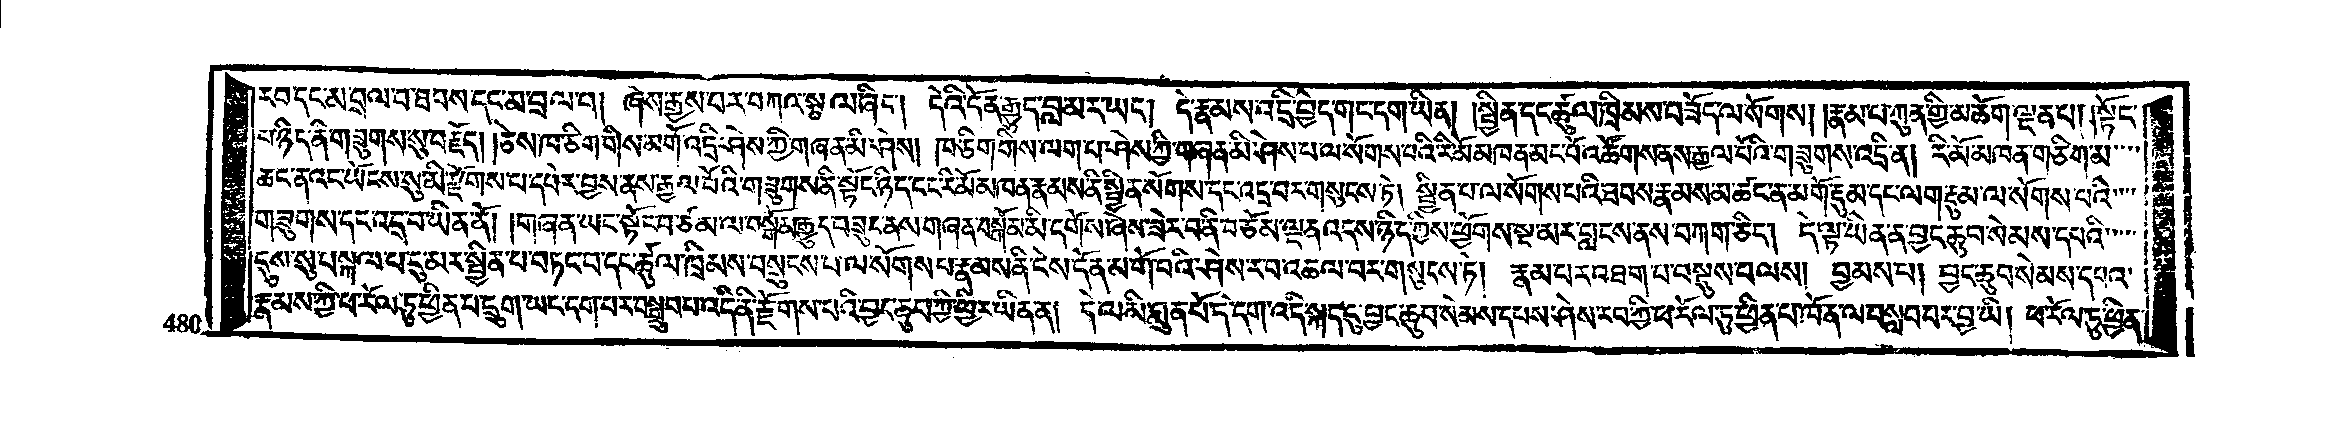རབ་དང་མ་བྲལ་བ་ཐབས་དང་མ་བྲལ་བ། ཞེས་རྒྱས་པར་བཀའ་སྩལ་ཞིང་། དེའི་དོན་རྒྱུད་བླ་མར་ཡང་། དེ་རྣམས་འདྲི་བྱེད་གང་དག་ཡིན། །སྦྱིན་དང་ཚུལ་ཁྲིམས་བཟོད་ལ་སོགས། །རྣམ་པ་ཀུན་གྱི་མཆོག་ལྡན་པ། །སྟོང་
པ་ཉིད་ནི་གཟུགས་སུ་བརྗོད། །ཅེས་ཁ་ཅིག་གིས་མགོ་འདྲི་ཤེས་ཀྱི་གཞན་མི་ཤེས། ཁ་ཅིག་གིས་ལག་པ་ཤེས་ཀྱི་གཞན་མི་ཤེས་པ་ལ་སོགས་པའི་རི་མོ་མཁན་མང་པོ་འཚོགས་ནས་རྒྱལ་པོའི་གཟུགས་འདྲི་ན། རི་མོ་མཁན་གཅིག་མ་
ཚང་ནའང་ཡོངས་སུ་མི་རྫོགས་པ་དཔེར་བྱས་ནས་རྒྱལ་པོའི་གཟུགས་ནི་སྟོང་ཉིད་དང་རི་མོ་མཁན་རྣམས་ནི་སྦྱིན་སོགས་དང་འདྲ་བར་གསུངས་ཏེ། སྦྱིན་པ་ལ་སོགས་པའི་ཐབས་རྣམས་མ་ཚང་ན་མགོ་རྡུམ་དང་ལག་རྡུམ་ལ་སོགས་པའི་
གཟུགས་དང་འདྲ་བ་ཡིན་ནོ། །གཞན་ཡང་སྟོང་པ་ཙམ་ལ་བསྒོམ་རྒྱུར་བཟུང་ནས་གཞན་བསྒོམ་མི་དགོས་ཞེས་ཟེར་བ་ནི་བཅོམ་ལྡན་འདས་ཉིད་ཀྱིས་ཕྱོགས་སྔ་མར་བླངས་ནས་བཀག་ཅིང་། དེ་ལྟ་ཡིན་ན་བྱང་ཆུབ་སེམས་དཔའི་
དུས་སུ་བསྐལ་པ་དུ་མར་སྦྱིན་པ་བཏང་བ་དང་ཚུལ་ཁྲིམས་བསྲུངས་པ་ལ་སོགས་པ་རྣམས་ནི་ངེས་དོན་མ་གོ་བའི་ཤེས་རབ་འཆལ་བར་གསུངས་ཏེ། རྣམ་པར་འཐག་པ་བསྡུས་པ་ལས། བྱམས་པ། བྱང་ཆུབ་སེམས་དཔའ་
རྣམས་ཀྱི་ཕ་རོལ་ཏུ་ཕྱིན་པ་དྲུག་ཡང་དག་པར་བསྒྲུབ་པ་འདི་ནི་རྫོགས་པའི་བྱང་ཆུབ་ཀྱི་ཕྱིར་ཡིན་ན། དེ་ལ་མི་བླུན་པོ་དེ་དག་འདི་སྐད་དུ་བྱང་ཆུབ་སེམས་དཔས་ཤེས་རབ་ཀྱི་ཕ་རོལ་ཏུ་ཕྱིན་པ་ཁོ་ན་ལ་བསླབ་པར་བྱ་ཡི། ཕ་རོལ་ཏུ་ཕྱིན་